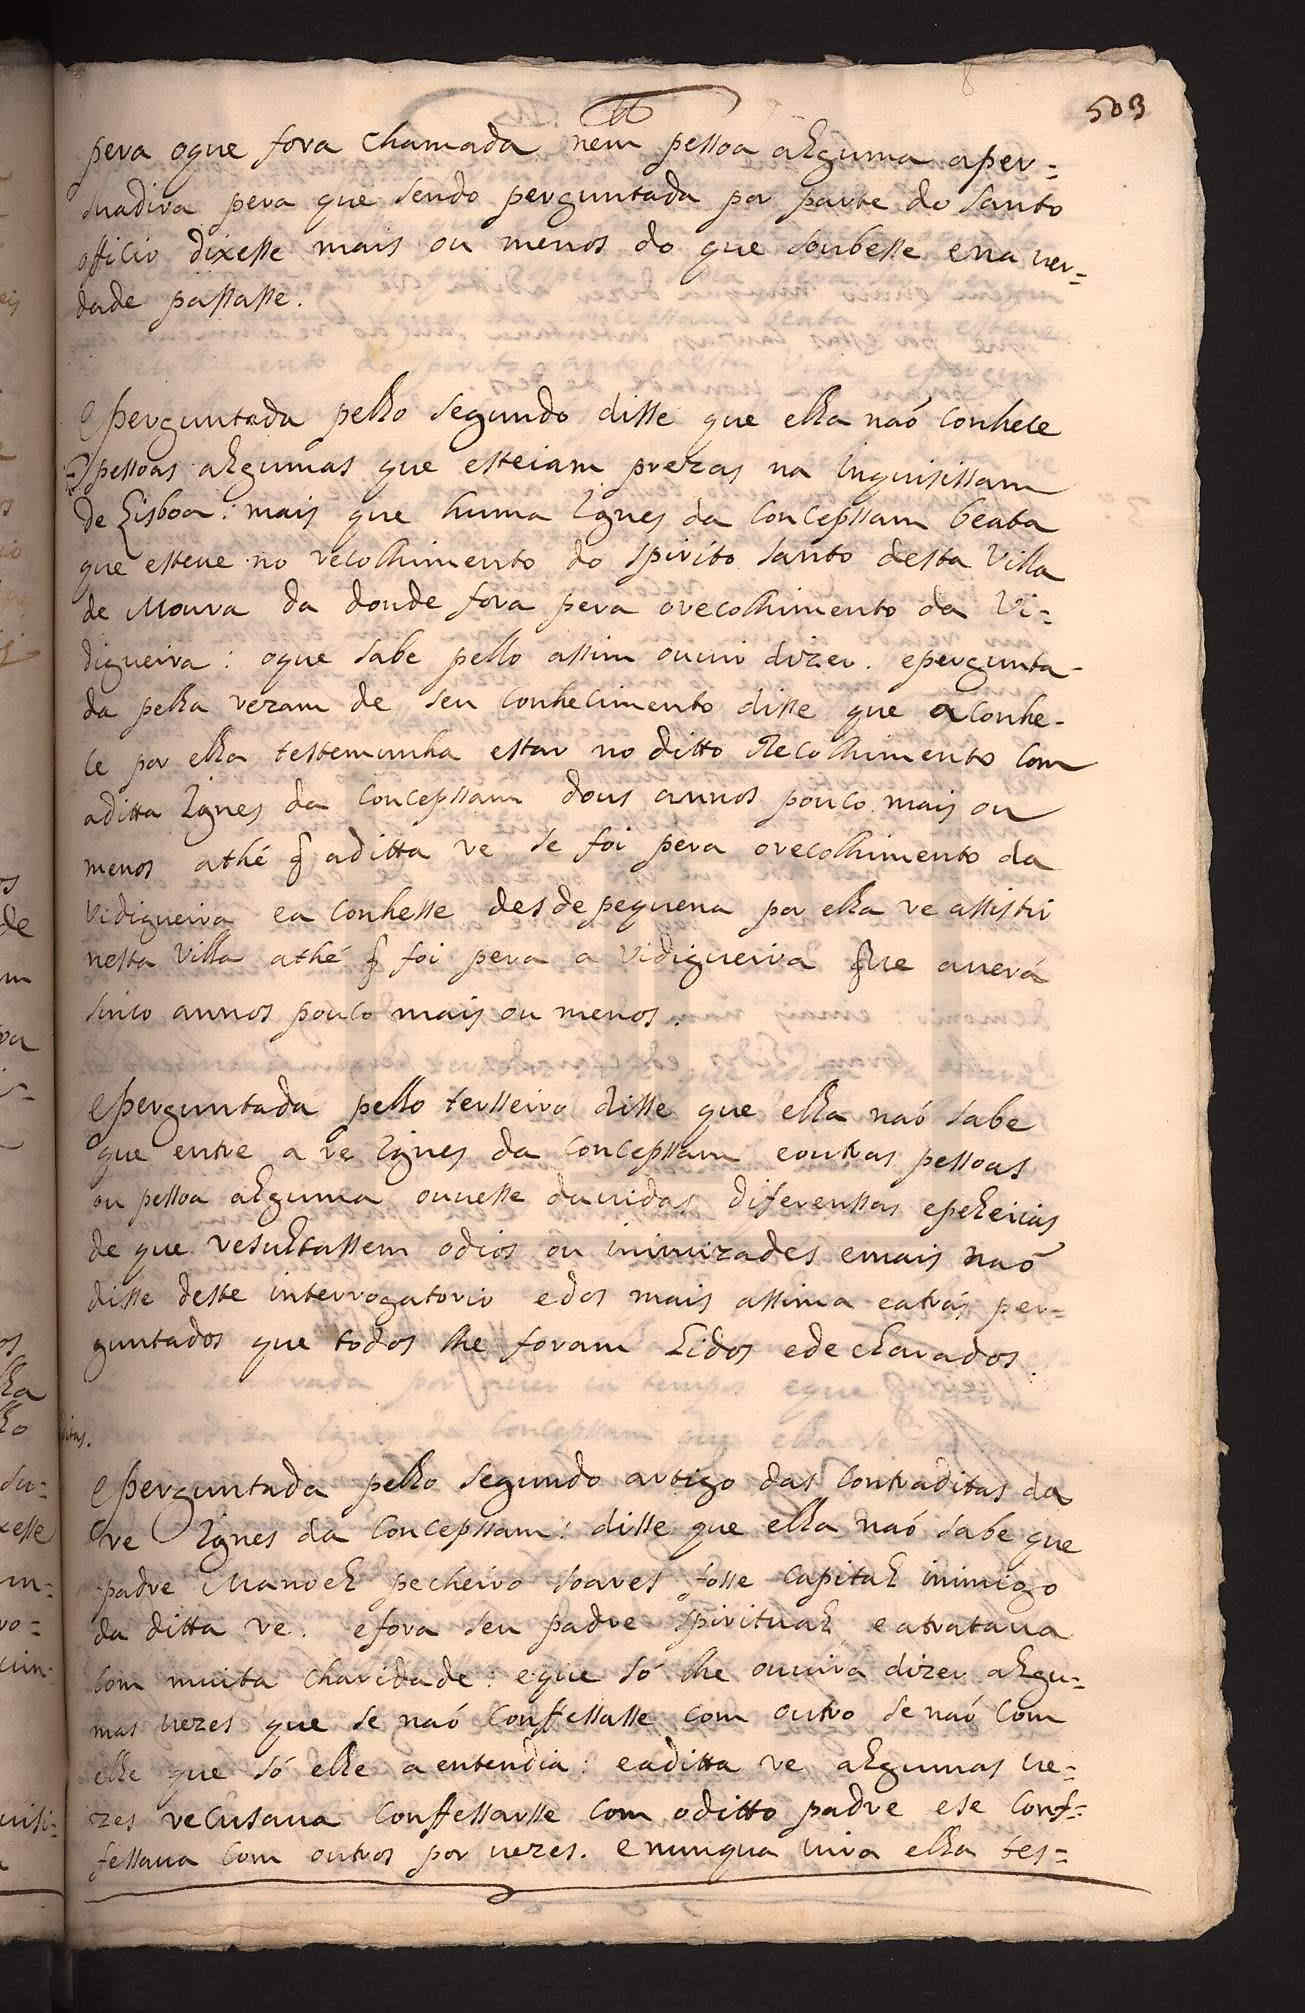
503
pera o que fora chamada, nem pessoa alguma a per
suadira pera que sendo perguntada por parte do santo
officio dixesse mais ou menos do que soubesse e na uer
dade passasse.
e perguntada pello segundo disse que ella naõ conhece
pessoas algumas que esteiam prezas na inquisissam
de Lisboa mais que huma Ignes da Concepssam beata
que esteue no recolhimento do spirito santo desta villa
de Moura da donde fora pera o recolhimento da Vi
digueira; o que sabe pello assim ouuir dizer. e pergunta
da pella rezam de seu conhecimento disse que a conhe
ce por ella testemunha estar no ditto Recolhimento com
a ditta Ignes da Concepssam dous annos pouco mais ou
menos athé q̄ a ditta re se foi pera o recolhimento da
Vidigueira, e a conhesse desde pequena por ella re assistir
nesta Villa athé q̄ foi pera a Vidigueira que auerá
sinco annos pouco mais ou menos.
e perguntada pello tersseiro disse que ella naõ sabe
que entre a re Ignes da concepssam e outras pessoas
ou pessoa alguma ouuesse duuidas diferenssas e peleicas
de que resultassem odios ou inimizades e mais naõ
disse desse interrogatorio e dos mais assima e atras per
guntados que todos lhe foram Lidos e declarados
e perguntada pello segundo artigo das contraditas da
re Ignes da Concepssam, disse que ella naõ sabe que
padre Manoel pecheiro soares fosse capital inimigo
da ditta re. e fora seu padre spiritual e a trataua
com muita charidade; e que só lhe ouuira dizer algu
mas uezes que se naõ confessasse com outro senaõ com
elle que só elle a entendia; e a ditta re algumas ue
zes recusaua confessarsse com o ditto padre e se conf
fessaua com outros por uezes. e nunqua uira ella tes
